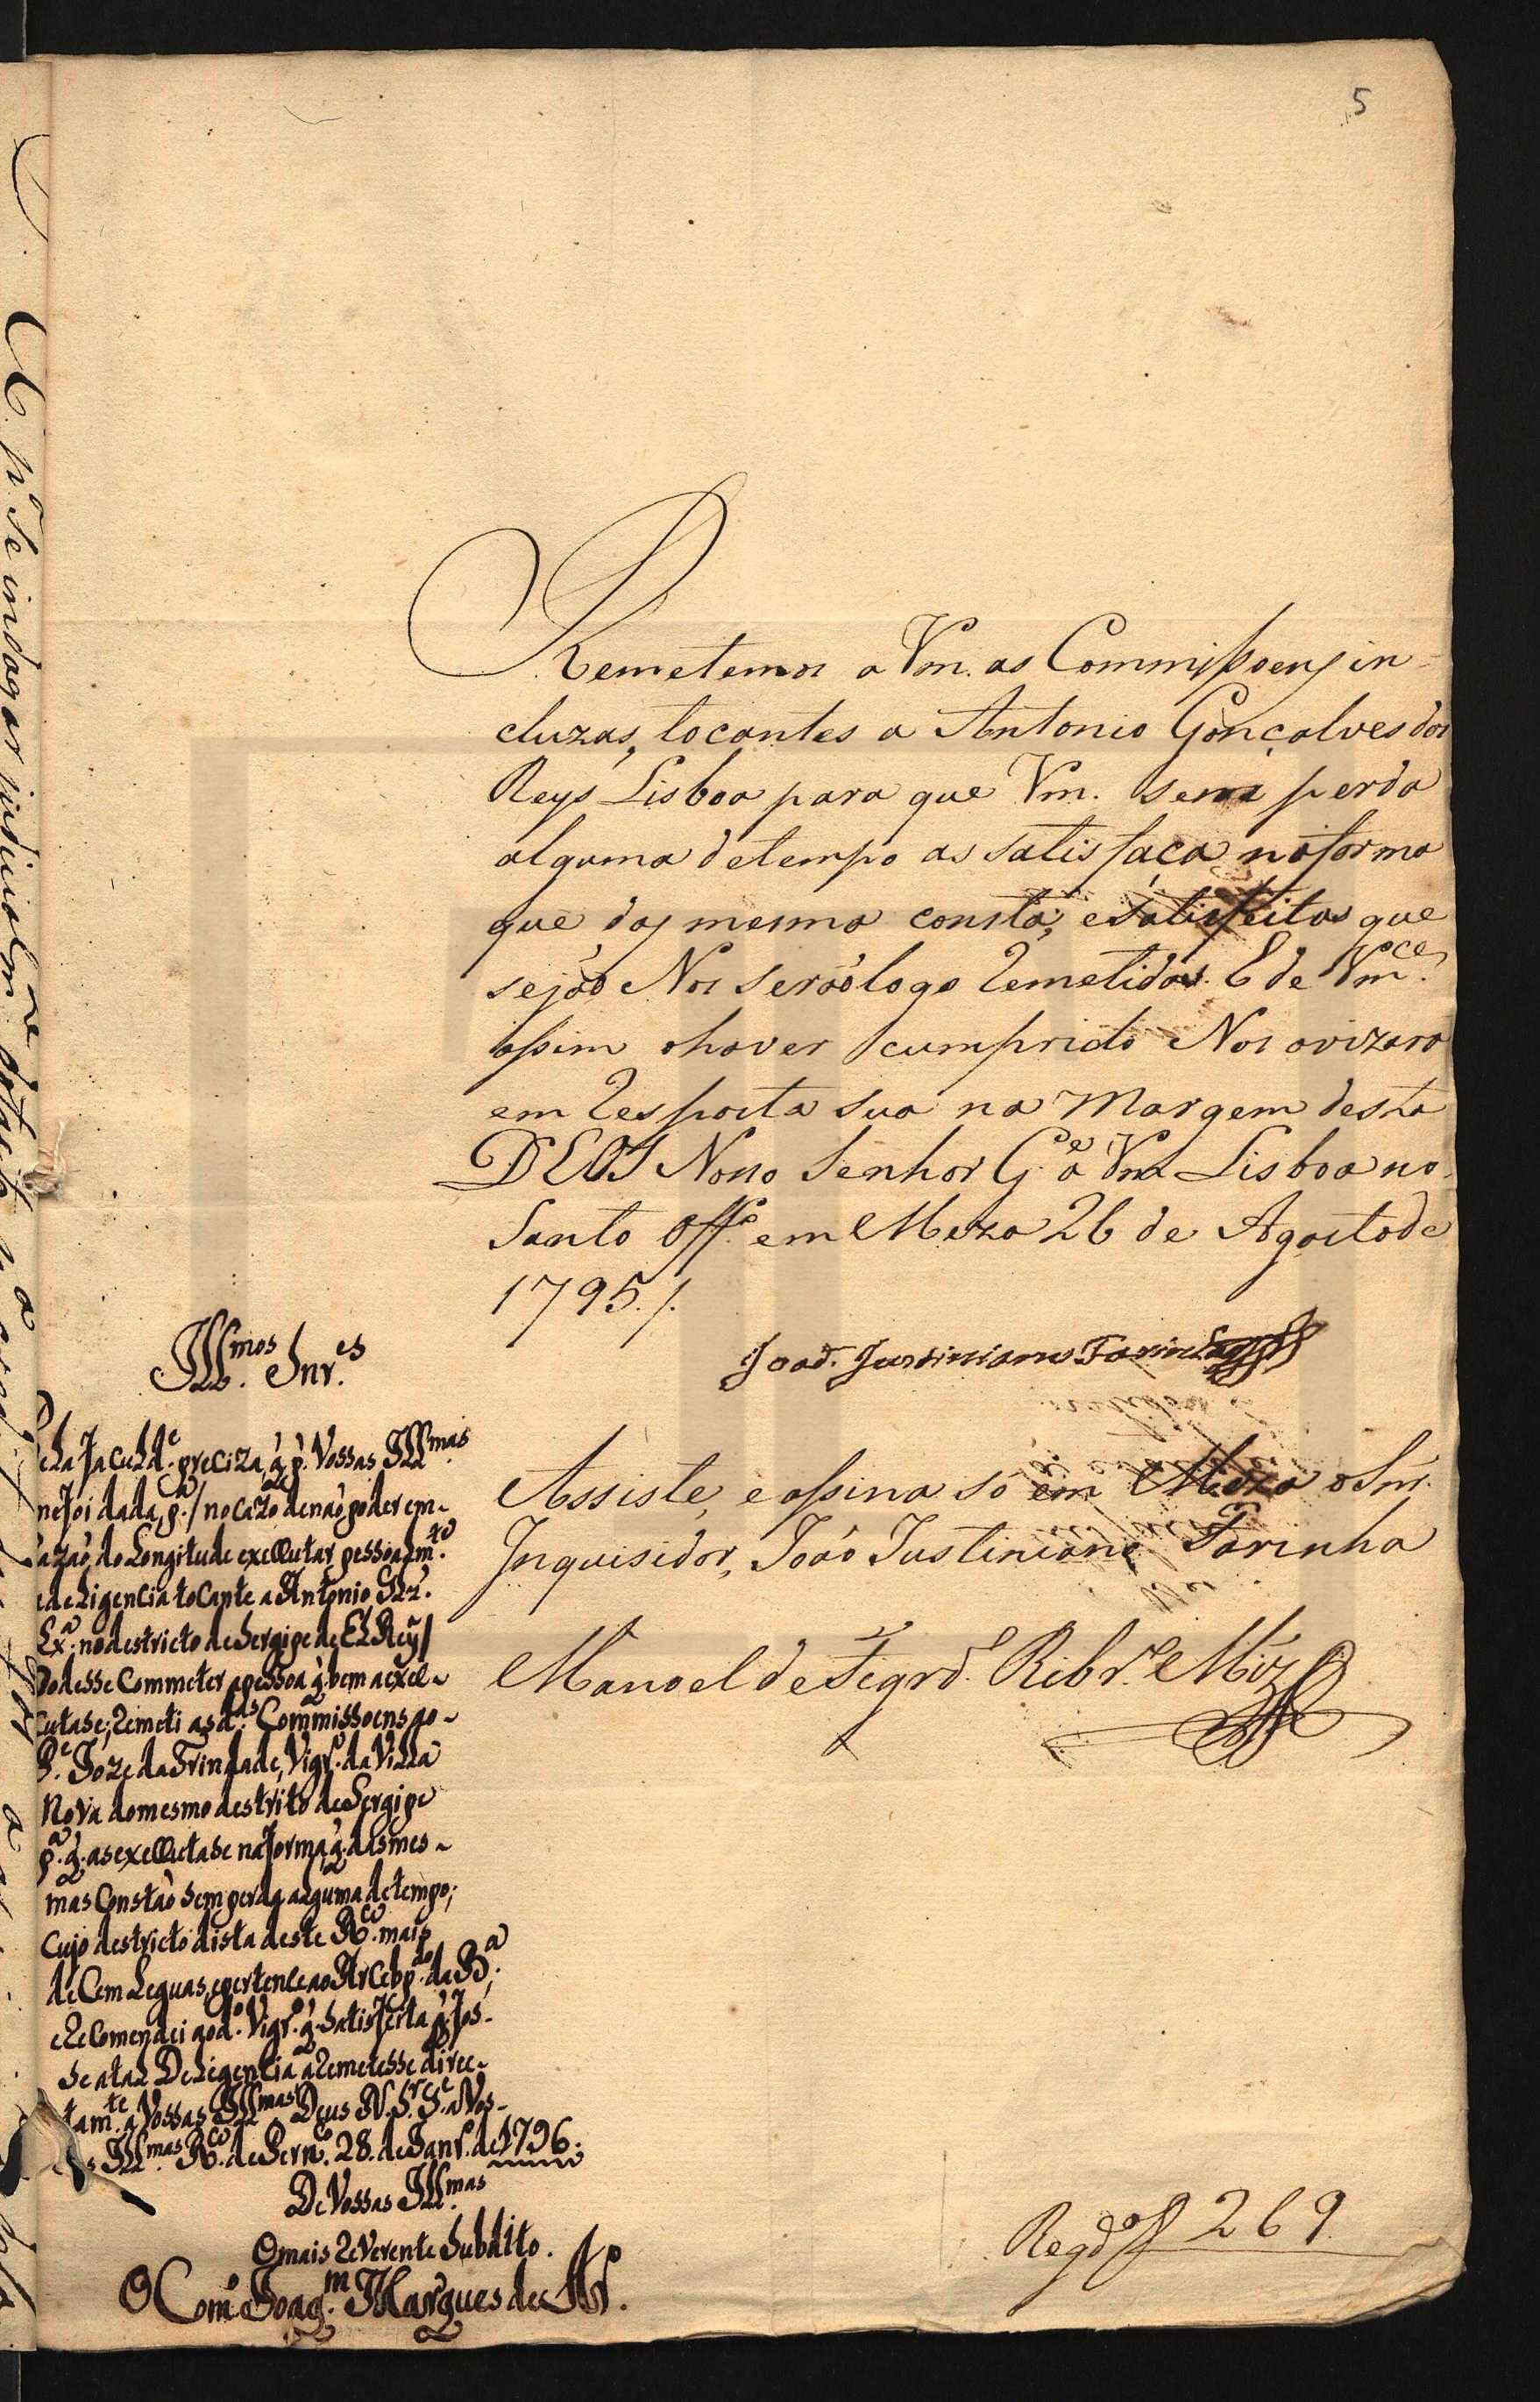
Remetemos a Vm as Commissoens in
cluzas, tocantes a Antonio Gonçalves dos
Reys Lisboa para que Vm. sem perda
alguma de tempo as satisfaça, no forma
que das mesma consta, e satisfeita que
sejaõ Nos seraõ logo Remetidos. E de Vmce.
assim o haver cumprido Nos ovizara
em Resposta Sua na Margem desta
DEOS Nosso Senhor G.e a Vm Lisboa no
Santo Off.o em Meza 26 de Agosto de
1795./.
Assiste, e assina só em Meza o Snr̄.
Jnquisidor, Ioaõ Iustiniano Farinha
Manoel de Figrd.o Ribr.o Miz̄
ILL.mos. Snr.es
da faculd.e preciza q̄ p̄ Vossas ILLm.as
ne foi dada p.a/ no caZo de naõ poder em
aZaõ do Longitude exeCCutar pessoaLmte.
e deLigenCia toCante a Antonio Glz̄.
Lxa. no destricto de Sergipe de EL Rey/
do desse Commeter a pessoa q̄ bem a exeC
cutase; Remeti as d̄a.s Commissoens ao
P.e Ioze da Trindade Vigr.o da ViLLa
Nova do mesmo destrito de Sergipe
p.a q̄ as exeCCutase na forma q̄ das mes
mas Constão sem perda alguma de tempo;
Cujo destricto dista deste R.co mais
de Cem Leguas e pertenCe ao ArCebp.do de B.a
e ReComendei ao d.o Vigr.o q̄ satisfeita q̄ fos.
se a taL DeLigenCia a Remetesse direc
tam.te a Vossas ILL.mas Deus N.S.r G.e a Vos
s ILLm.as Rco de Pern.co 28 de Janr.o de 1796.
De Vossas ILL.mas
O mais ReVerente Subdito.
O Como Ioaqm. Marques de Ar.o
Regdo f 269.
